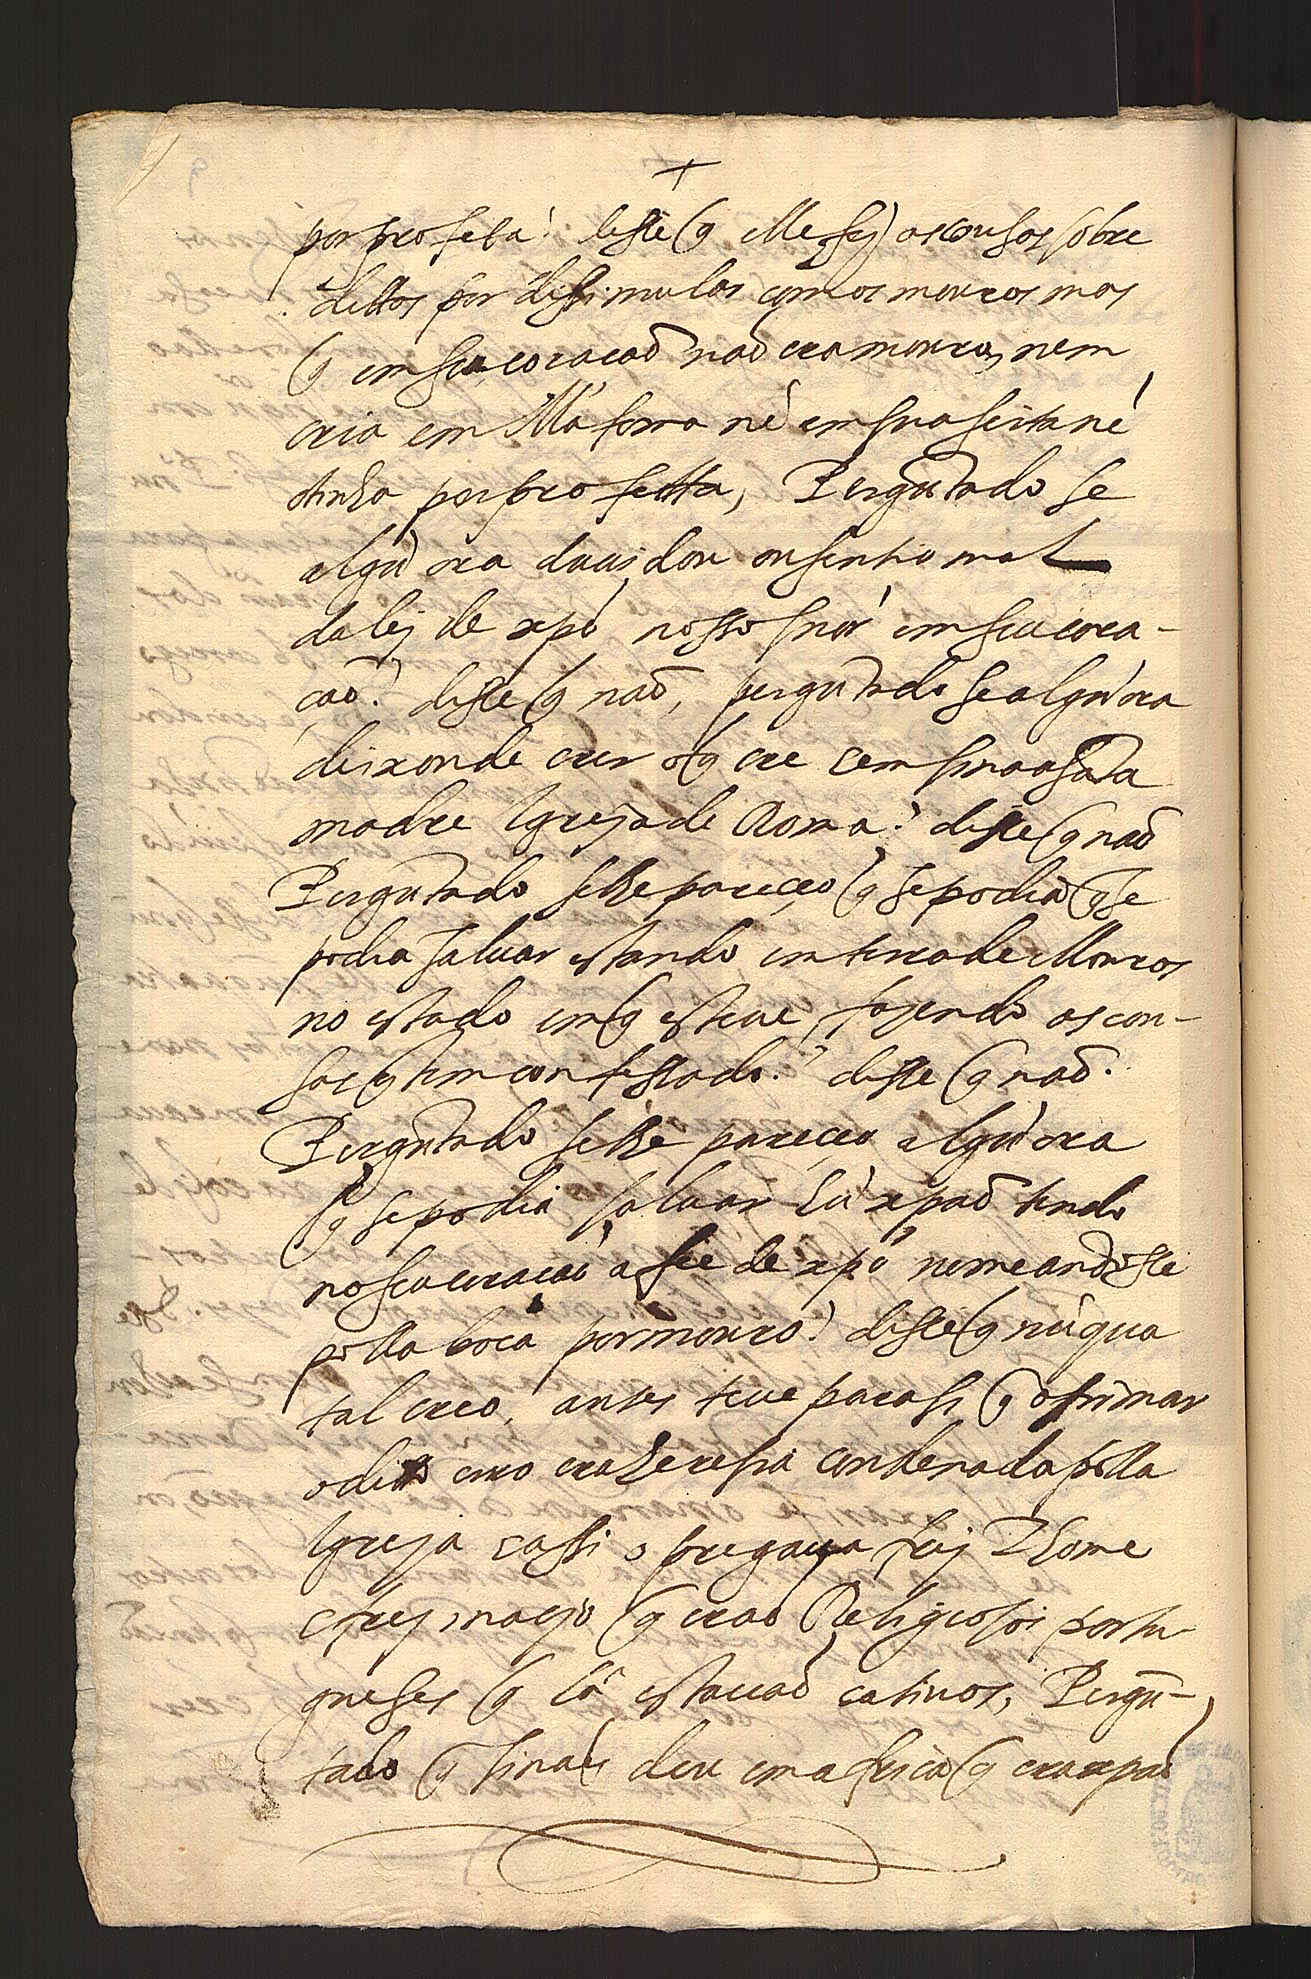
por profeta? disse q̄ elle fez as cousas sobre
dittas por dissimular com os mouros mas
q̄ em seu coraçaõ naõ era mouro, nem
cria em Mafoma nē em sua seita nē
o tinha por profetta, Pergūtado se
algū ora duuidou ou sentio mal
da lej de xpō nosso snor̄ em seu cora
çaõ? disse q̄ naõ, pergūtado se algū ora
deixou de crer o q̄ cre E emsina a sāta
madre Igreja de Roma? disse q̄ naõ
Pergūtado se lhe pareceo q̄ se podia q̄ se
podia saluar estando em terra de Mouros
no estado em q̄ esteue, fazendo as cou
sas q̄ tem confessado? disse q̄ naõ
Pergūtado se lhe pareceo algū ora
q̄ se podia saluar hū xpaõ tendo
no seu coraçaõ a fee de xpō nomeandosse
polla boca por mouro? disse q̄ nūqua
tal creo, antes teue para si q̄ affirmar
o ditto erro era heresia condenada polla
Igreja E assi o pregaua frej Thome
e frej inacjo q̄ eraõ Religiosos portu
gueses q̄ lá estauaõ catiuos, Pergū
tado q̄ sinais deu em africa q̄ era xpaõ
